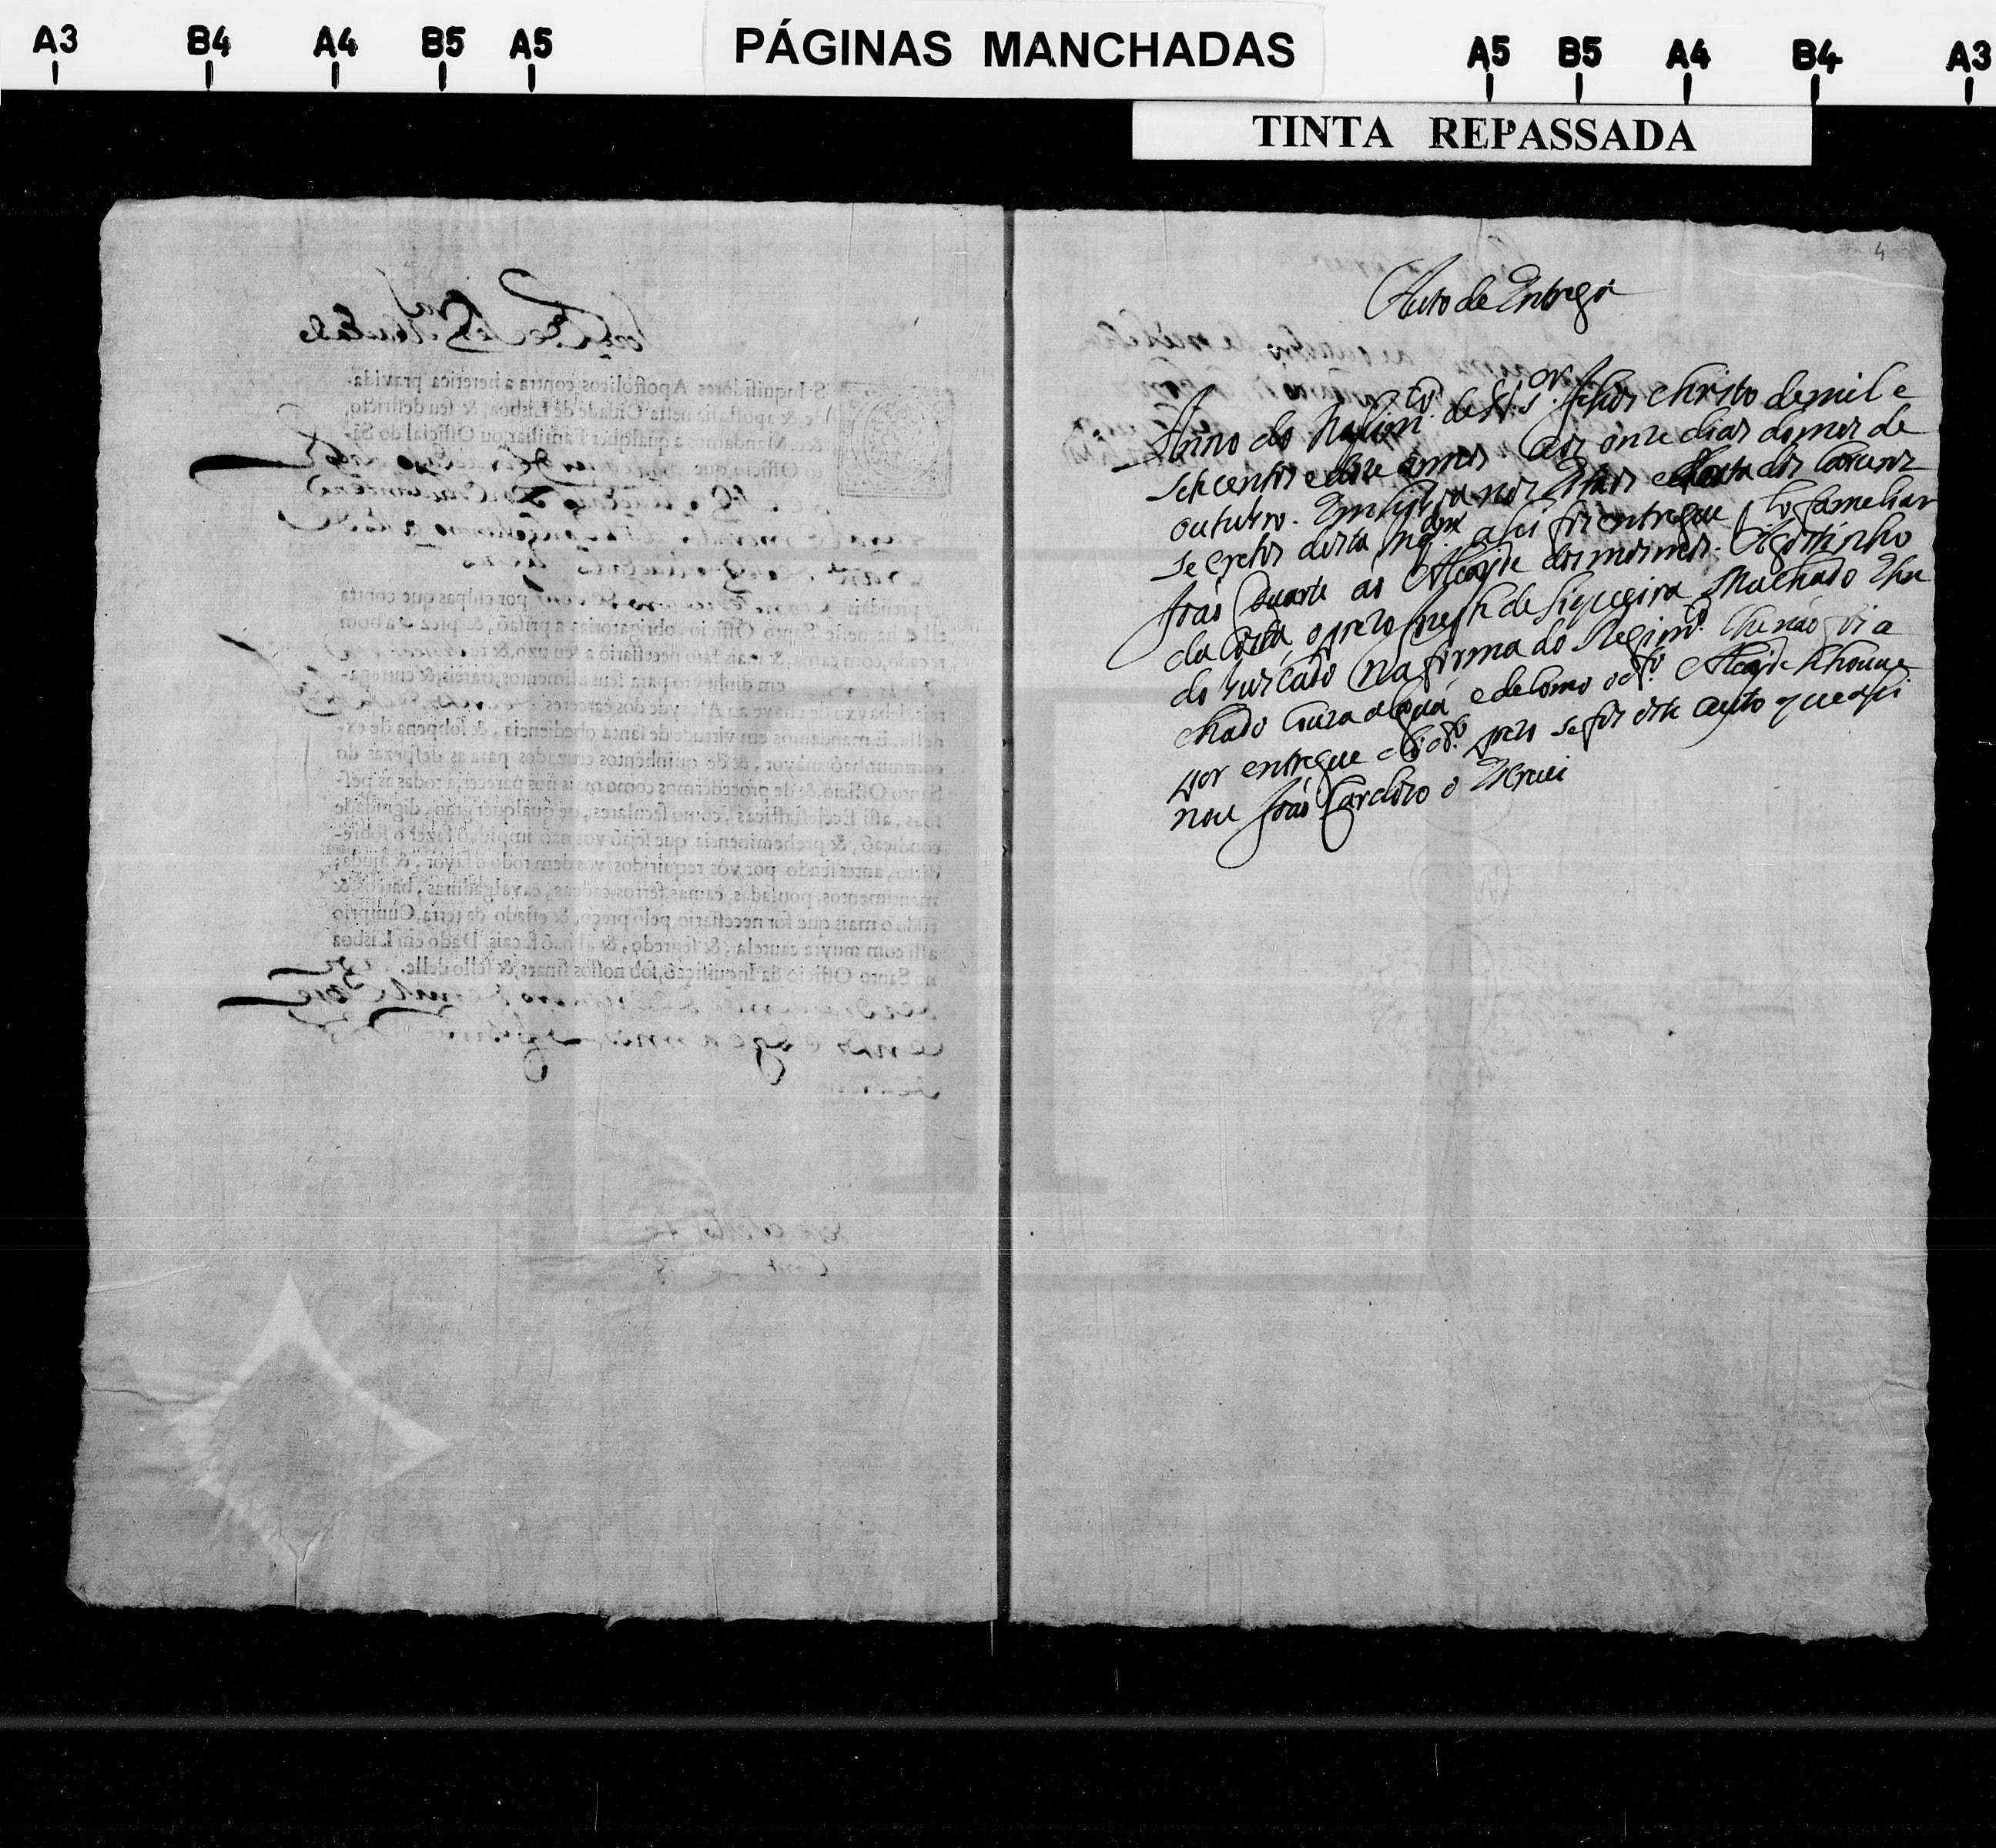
Auto de Entrega
Anno do nascimto. de N. s.or Jesus christo de mil e
setecentos e doze annos. aos onze dias do mez de
outubro. Em lisboa nos Estaos e _ta dos Carceres
secretos desta Inqam. ahi foi entregue p.lo fameliar
Joaõ Duarte ao Alcayde dos mesmos. Agostinho
da costa, o prezo Jozeph de siqueira Machado E hu
do buscado na forma do Regim.to lhe naõ foi a
chado couza alguā e de como o d.to Alcayde se houue
por entregue do d̄.o prezo se fes este auto que assi
nou Joaõ Cardozo o Escreui
